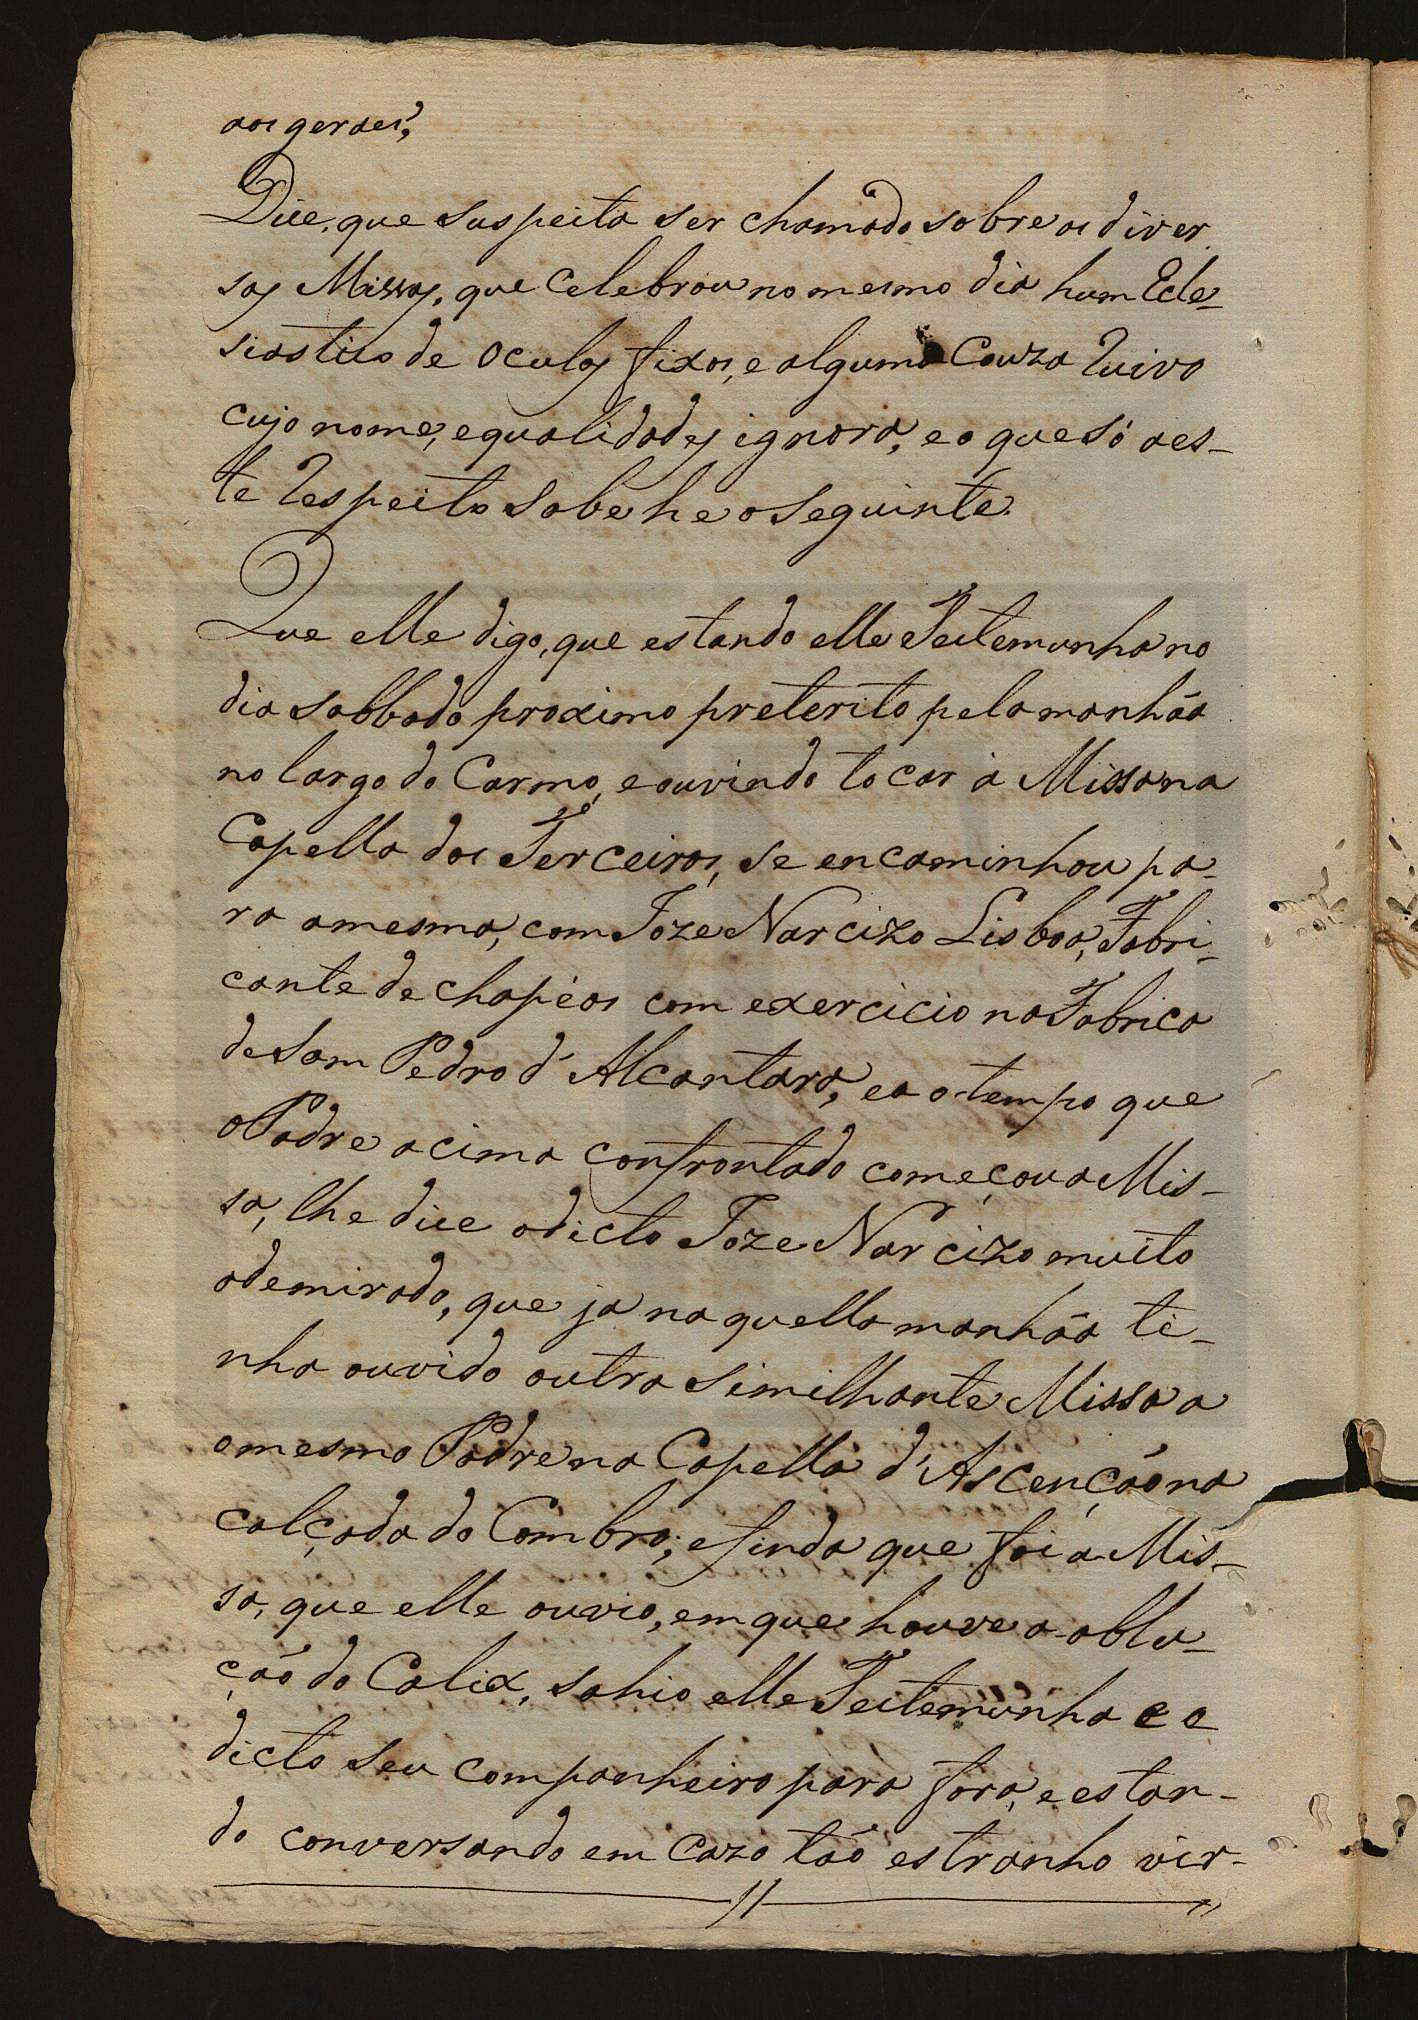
aos geraes;
Dice, que suspeita ser chamado sobre as diver
sas Missas, que celebrou no mesmo dia hum Ecle
siastico de oculos fixos, e alguma couza Ruivo
cujo nome, e qualidades ignora, e o que só a es
te Respeito sabe he o seguinte.
Que elle digo, que estando elle Testemunha no
dia sabbado próximo preterito pela manhãa
no largo do Carmo, e ouvindo tocar à Missa na
Capella dos Terceiros, se encaminhou pa
ra a mesma, com Ioze Narcizo Lisboa, Fabri
cante de chapéos com exercicio na Fabrica
de Sam Pedro d’Alcantara, e a o tempo que
o Padre acima confrontado começou a Mis
sa, lhe dice o dicto Ioze Narcizo muito
ademirado, que ja naquella manhãa ti
nha ouvido outra similhante Missa a
o mesmo Padre na Capella d’Ascençaõ na
calçada do Combro; e finda que foi a Mis
sa, que elle ouvio, em que houve a ablu
çaõ do Calix, sahio elle Testemunha e o
dicto seu companheiro para fora, e estan
do conversando em cazo taõ estranho vir
